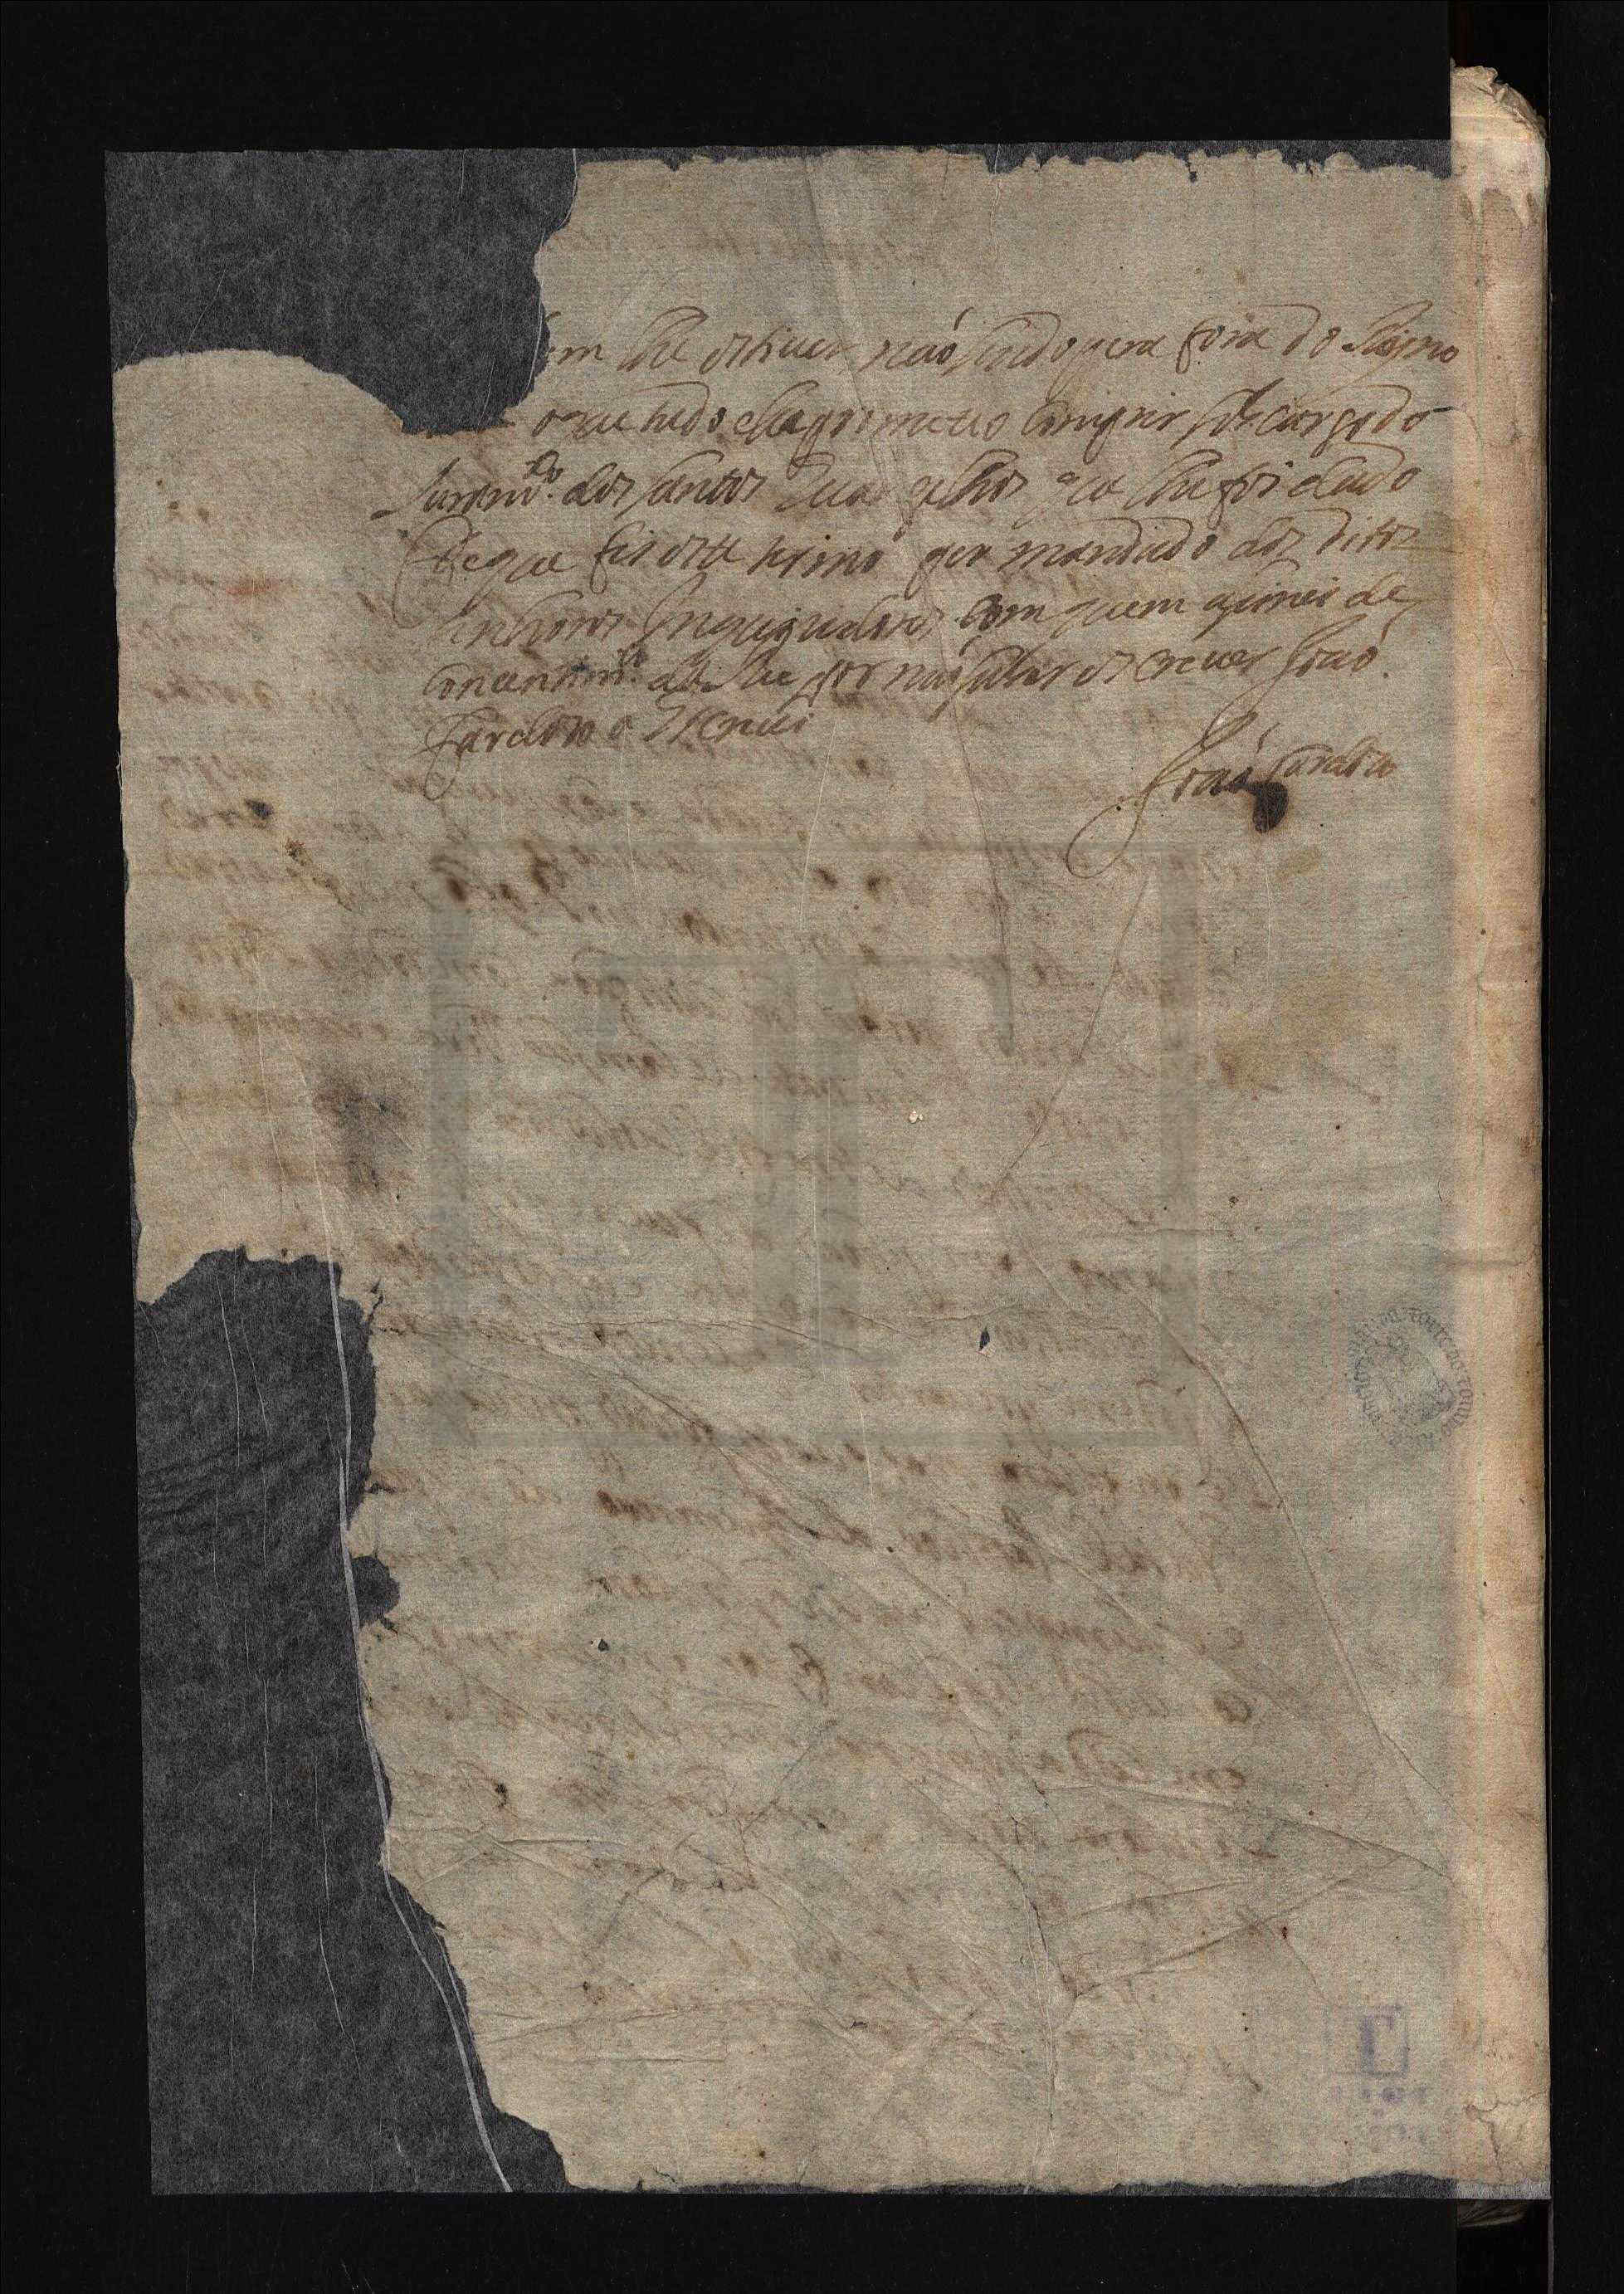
em lhe estiuer, naõ hindo pera fora do Rejno
o que tudo ella prometeo comprir sob cargo do
Iuram.to dos santos Euangelhos que lhe foi dado
De que fis este termo per mandado dos ditos
senhores Inquisidores com quem assinei de
concentim.to da Ree por naõ saber escreuer Joaõ
Cardozo o Escreui
Joaõ Cardozo
